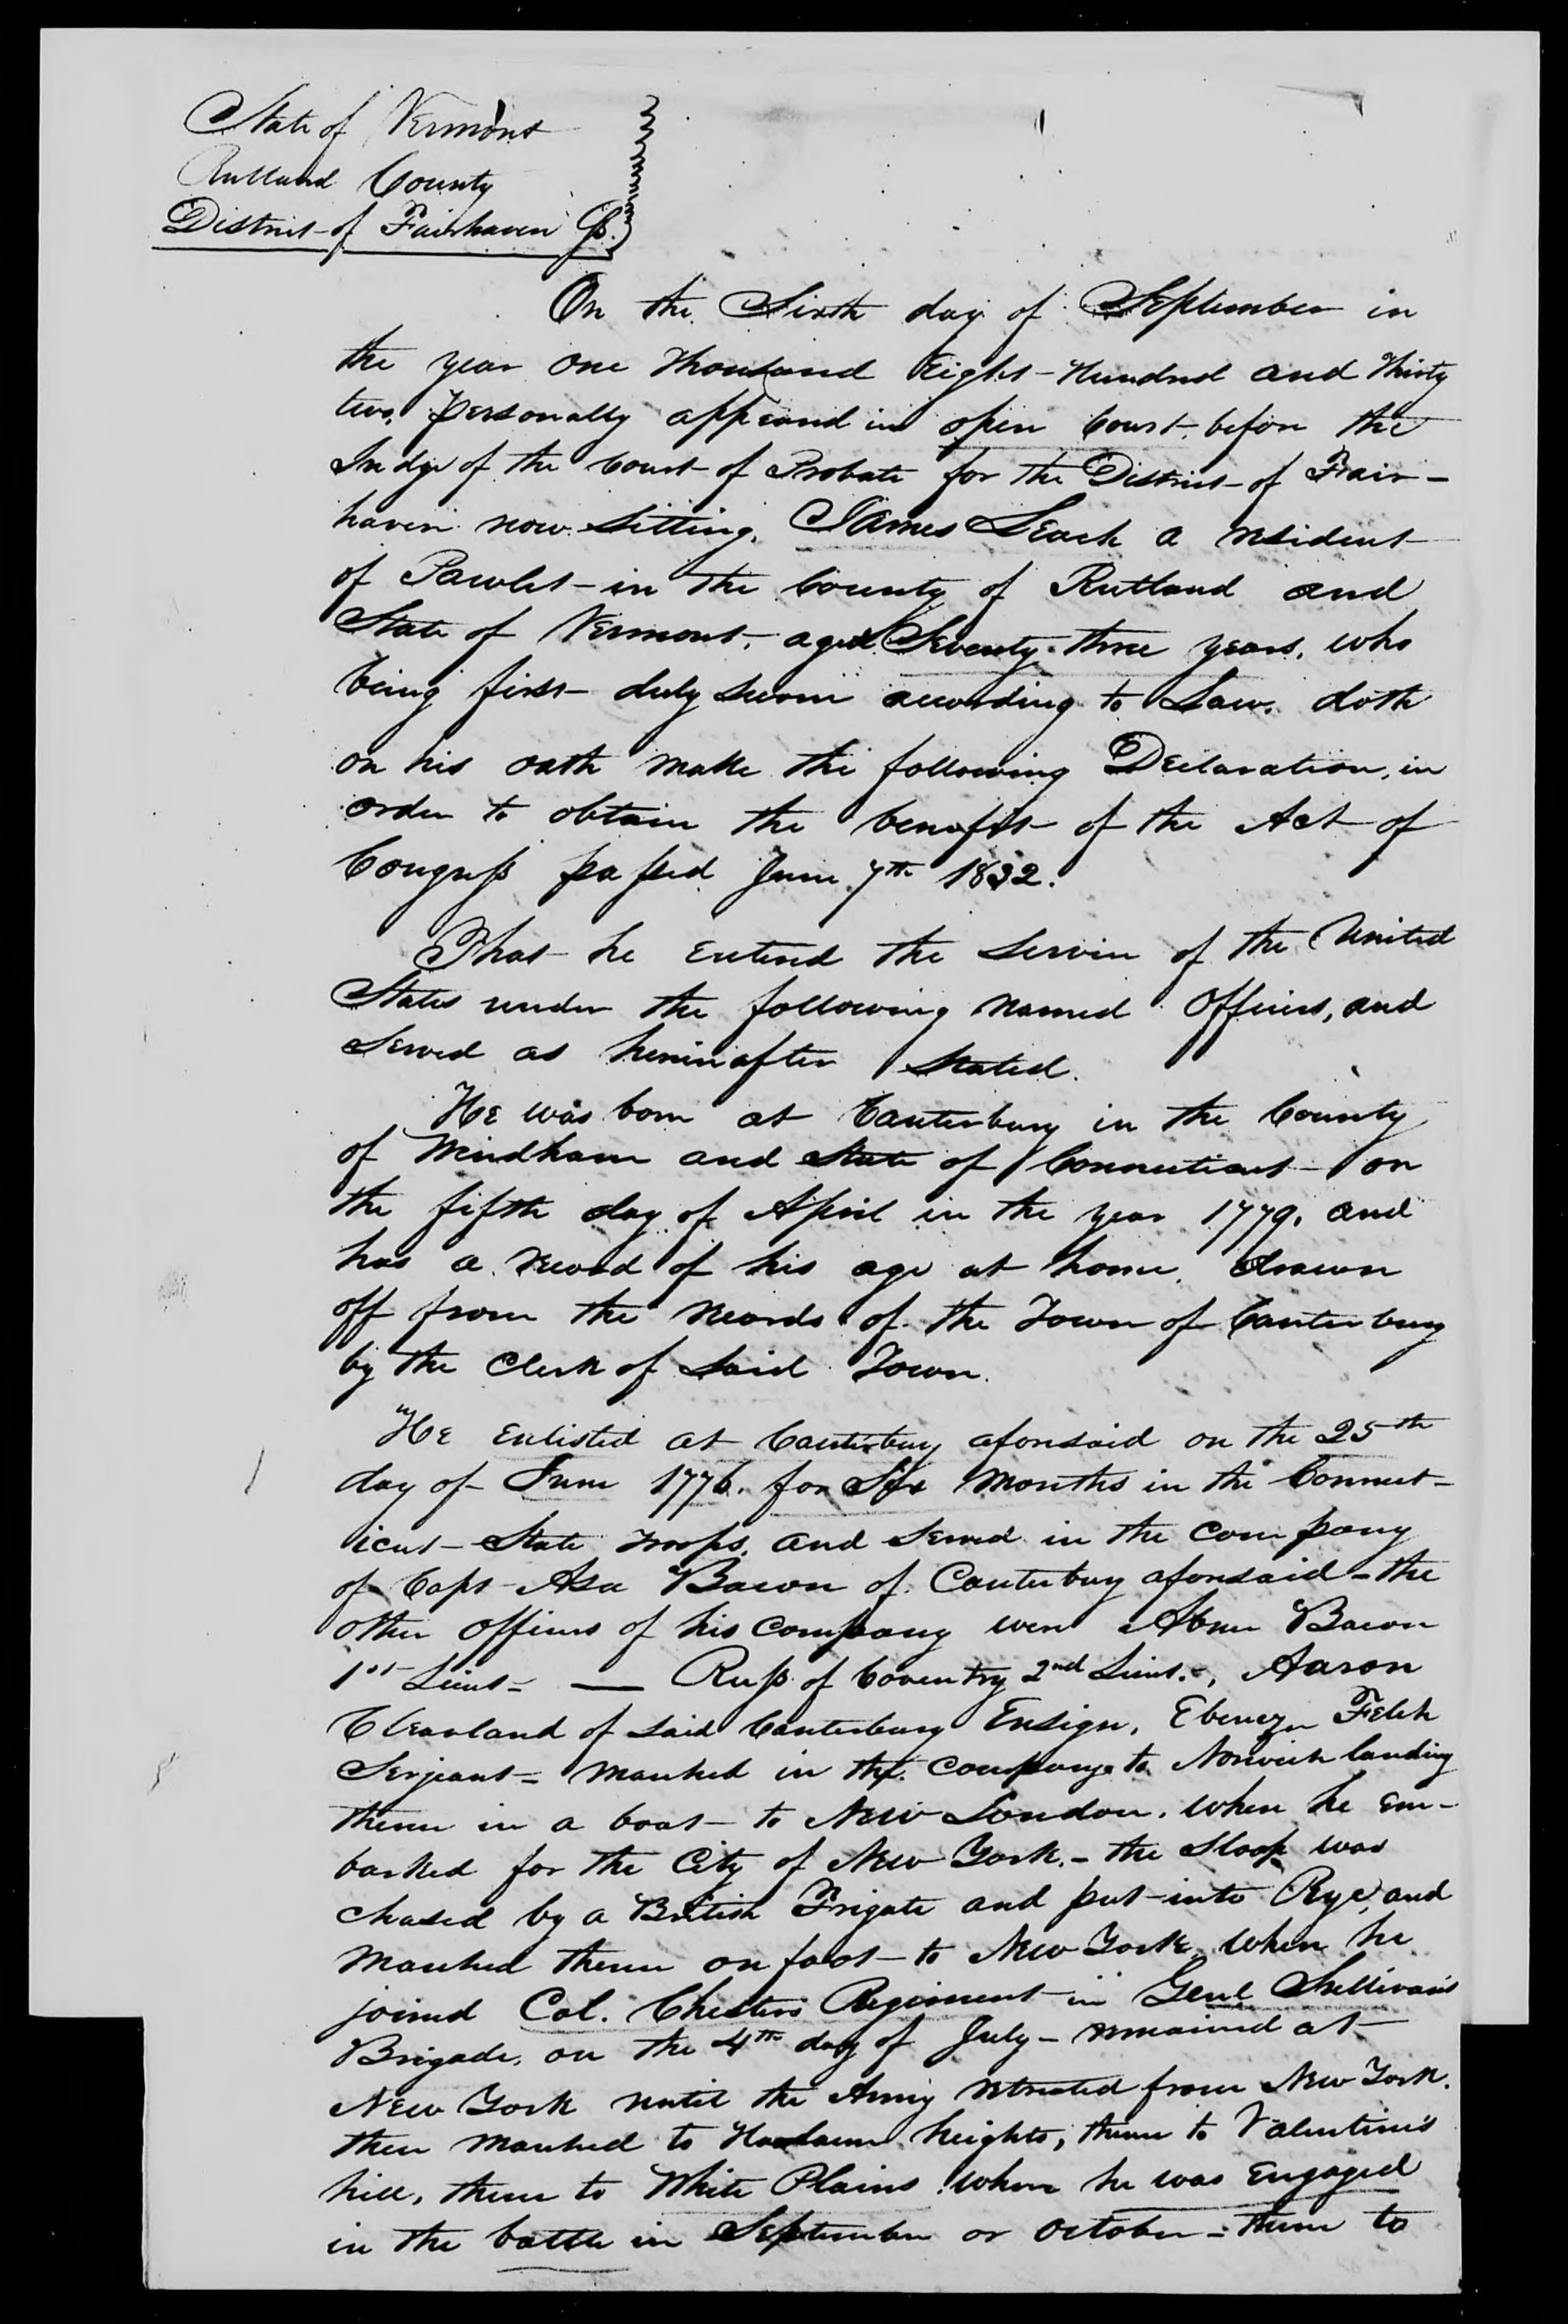State of Vermont
Rutland County
District of Fairhaven Ss.
On the Sixth day of September in the year one thousand Eight hundred and thirty two personally appeared in open court before the Judges of the Court of Probate for the District of Fairhaven now sitting James Leach a resident of Pawlet in the County of Rutland and State of Vermont, aged Seventy three years, who being first duly sworn according to law, doth on his oath make the following Declaration in order to obtain the benefit of the Act of Congress passed June 7th 1832.
That he entered the service of the United States under the following named officers, and served as hereinafter stated.
He was born at Canterbury in the County of Windham and State of Connecticut on the fifth day of April in the year 1779, and has a record of his age at home drawn off from the records of the Town of Canterbury by the Clerk of said Town.
He enlisted at Canterbury aforesaid on the 25th day of June 1776 for six months in the Connecticut state troops and served in the Company of Cap Asa Bacon of Canterbury aforesaid - the other officers of his company were Abner Bacon 1st Lieut - Russ of Coventry 2nd Lieut. Aaron Cleveland of said Canterbury Ensign Ebenezer Felch Sergeant marched in the Company to Norwich landing then in a boat - to New London, when he embarked for the city of New York - the Sloop was chased by a British Frigate and put into Rye and marched them on foot to New York when he joined Col. Chesters Regiment in Genl Sullivans Brigade on the 4th day of July - remained at New York until the Army retreated from New York . then marched to Harlem Heights, thus to Valentine's Hill, thus to White Plains, where he was engaged in the battle in September or October - thus to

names: Asa Bacon; Ebenezer Felch; James Leach; Aaron Cleveland; Abner Bacon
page: 6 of 27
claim: widow's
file: W. 24,500, for James Leach, Connecticut